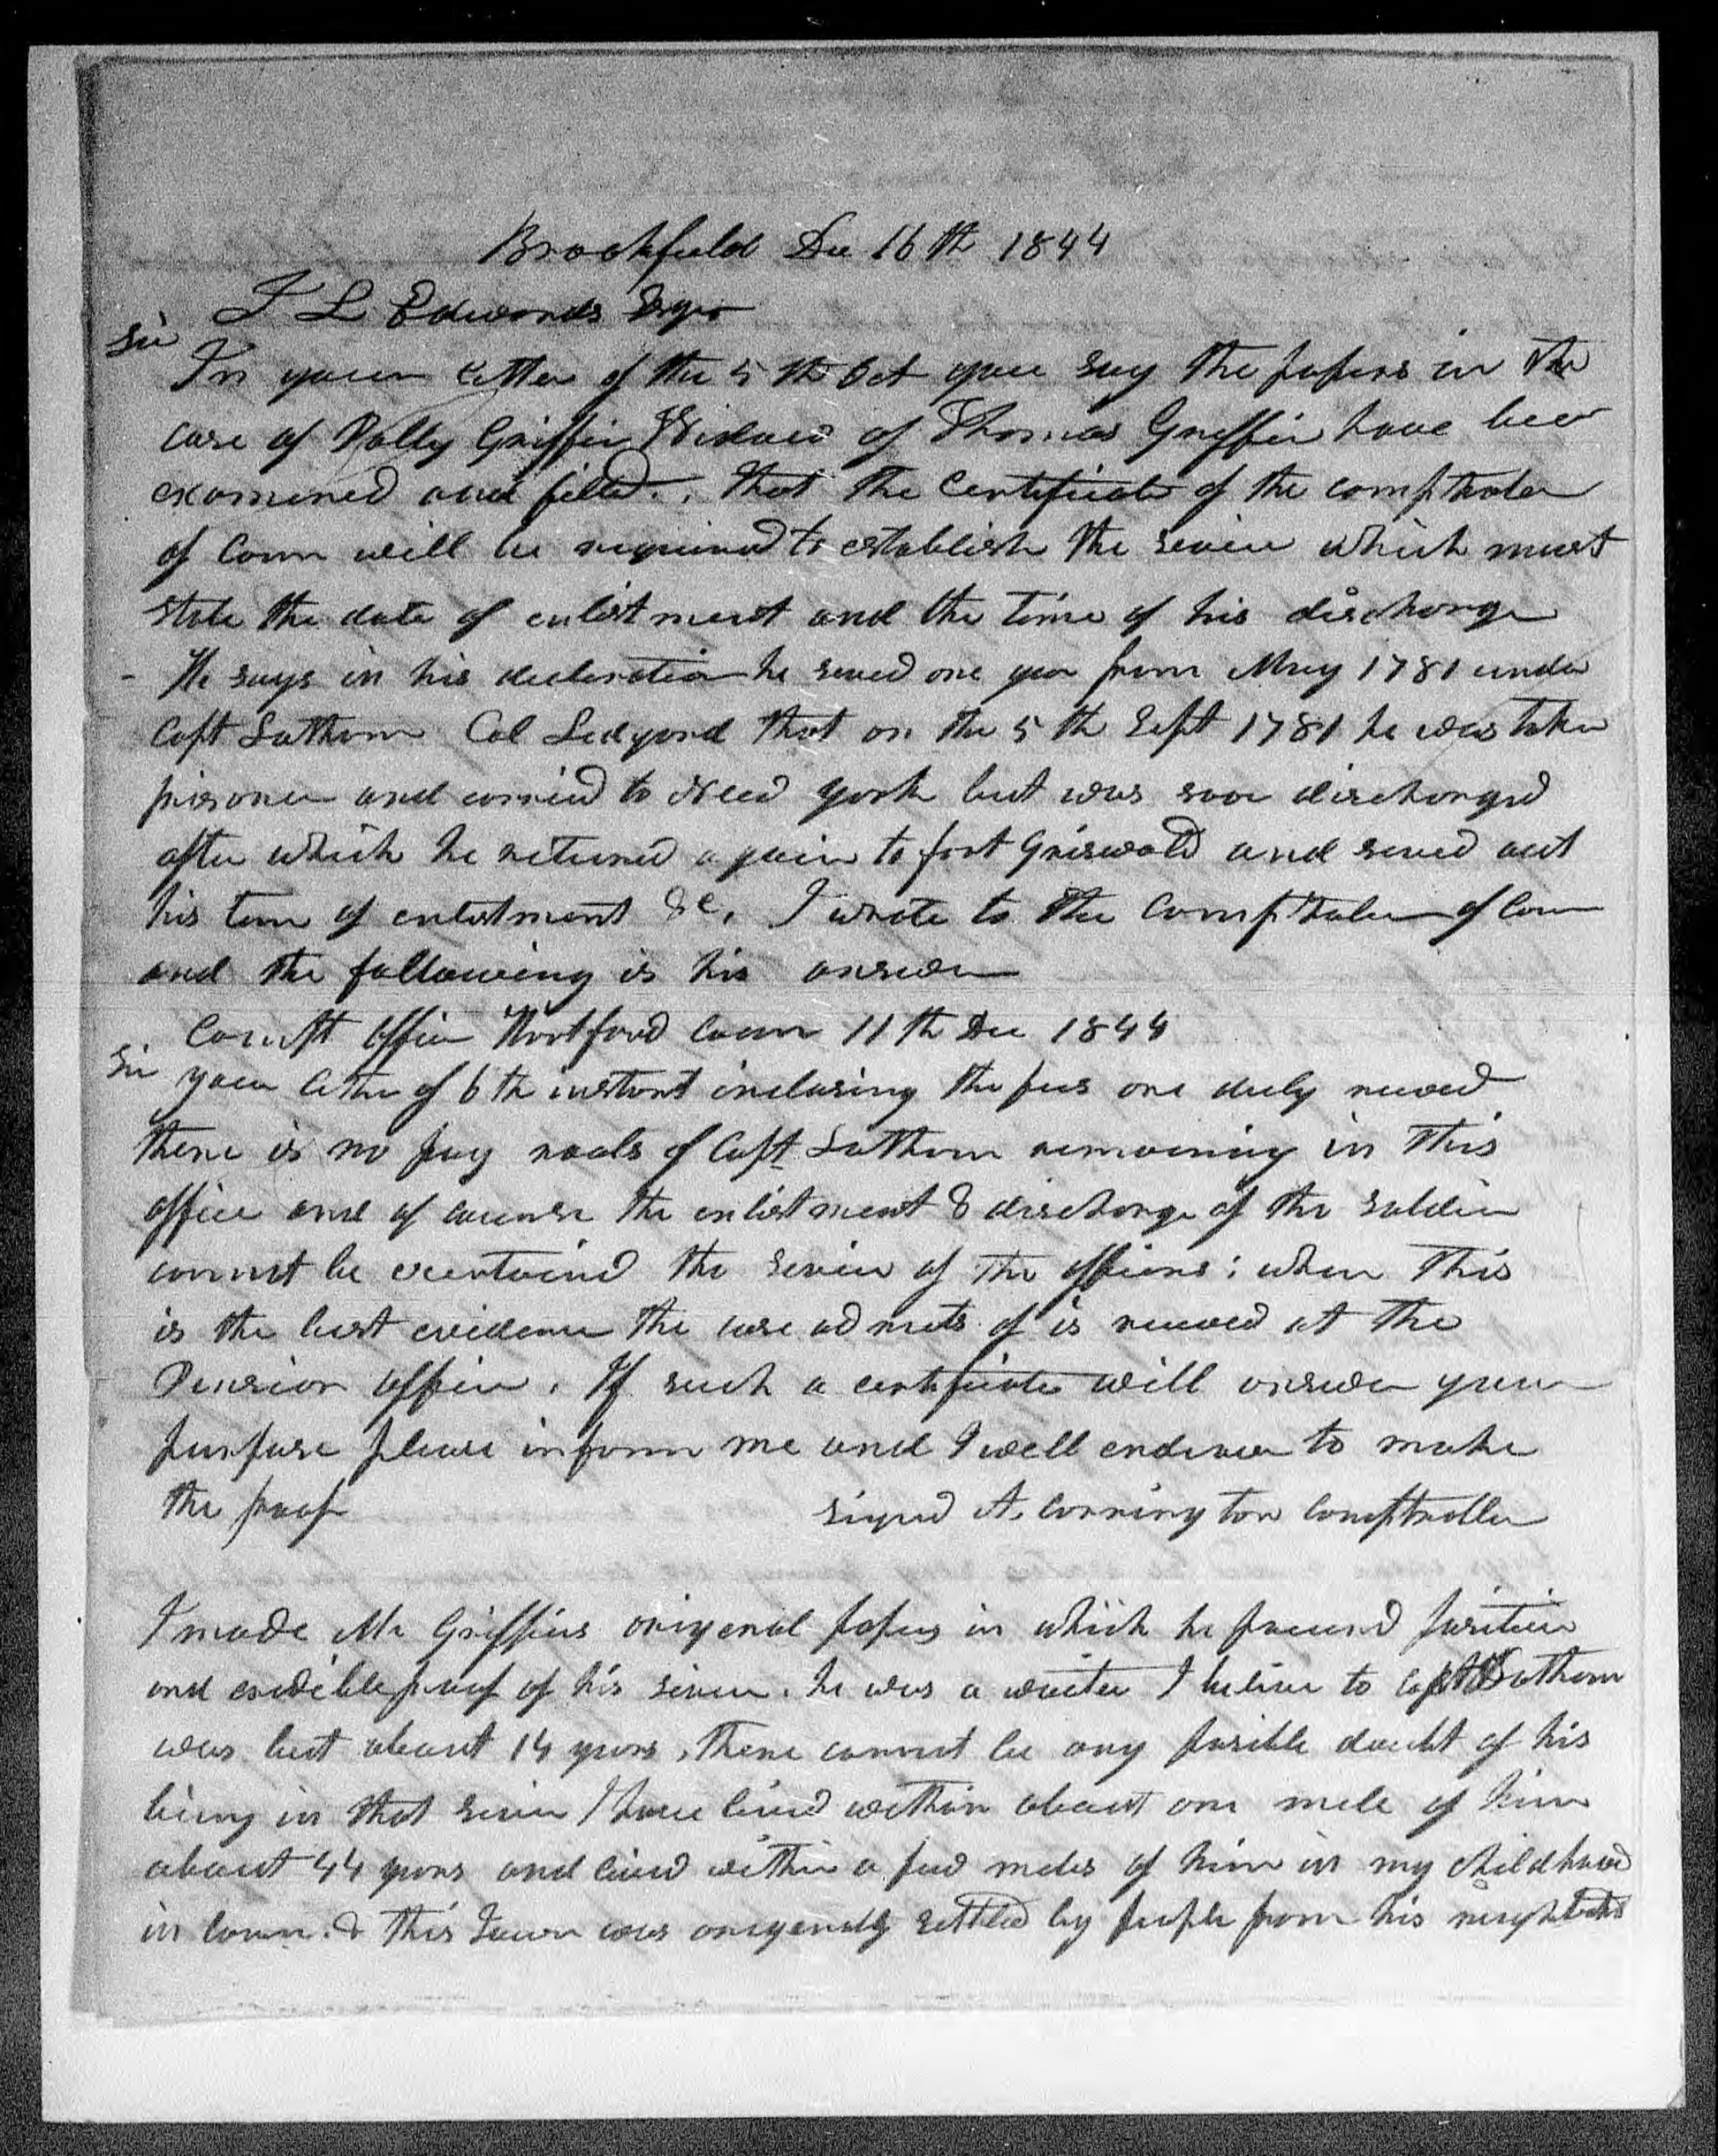Brookfield Dec 16th 1844
J L Edwards Esqr
Sir  In your letter of the 5th Oct you say the papers in the case of Polly Griffin Widow of Thomas Griffin have been examined and filled, That the certificate of the comptroller of Conn will be required to establish the service which must state the date of enlistment and the time of his discharge
He says in his declaration he served one year from May 1781 under Capt Lathern Col Ledyard, that on the 5th Sept 1781 he was taken prisoner and carried to New York but was soon discharged, after which he returned again to fort Griswold and served out his time of enlistment &c. I wrote to the comptroller of Conn and the following is his answer
Compt Office Hartford Conn 11th Dec 1844
Sir your letter of 6th instant including the fees one duly received there is no pay raols of Capt Lathern remaining in this office and of [illegible] the enlistment & discharge of the soldier cannot be ascertained the service of the officers; when this is the best evidence the case admits of is received at the Pension Office. If such a certificate will answer your purpose please inform me and I will endeavor to make the proof
Signed A. Corrington Comptroller
I made Mr Griffins original papers in which he presented positive and credible proof of his service, he was a [illegible] I believe to Capt Lathern was but about 14 years, there cannot be any posible doubt of his being in that service, I have lived within about one mile of him about 44 yrs and lived within a few miles of him in my childhood in town & this Town was originally settled by people from his neighborhood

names: Lathom, Lathom, A Cunnington, Polly Griffin, Griffin, Thomas Griffin, Ledford, J L Edwards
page: 26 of 60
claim: widow's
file: W. 19,537, Thomas Griffin, Conn.